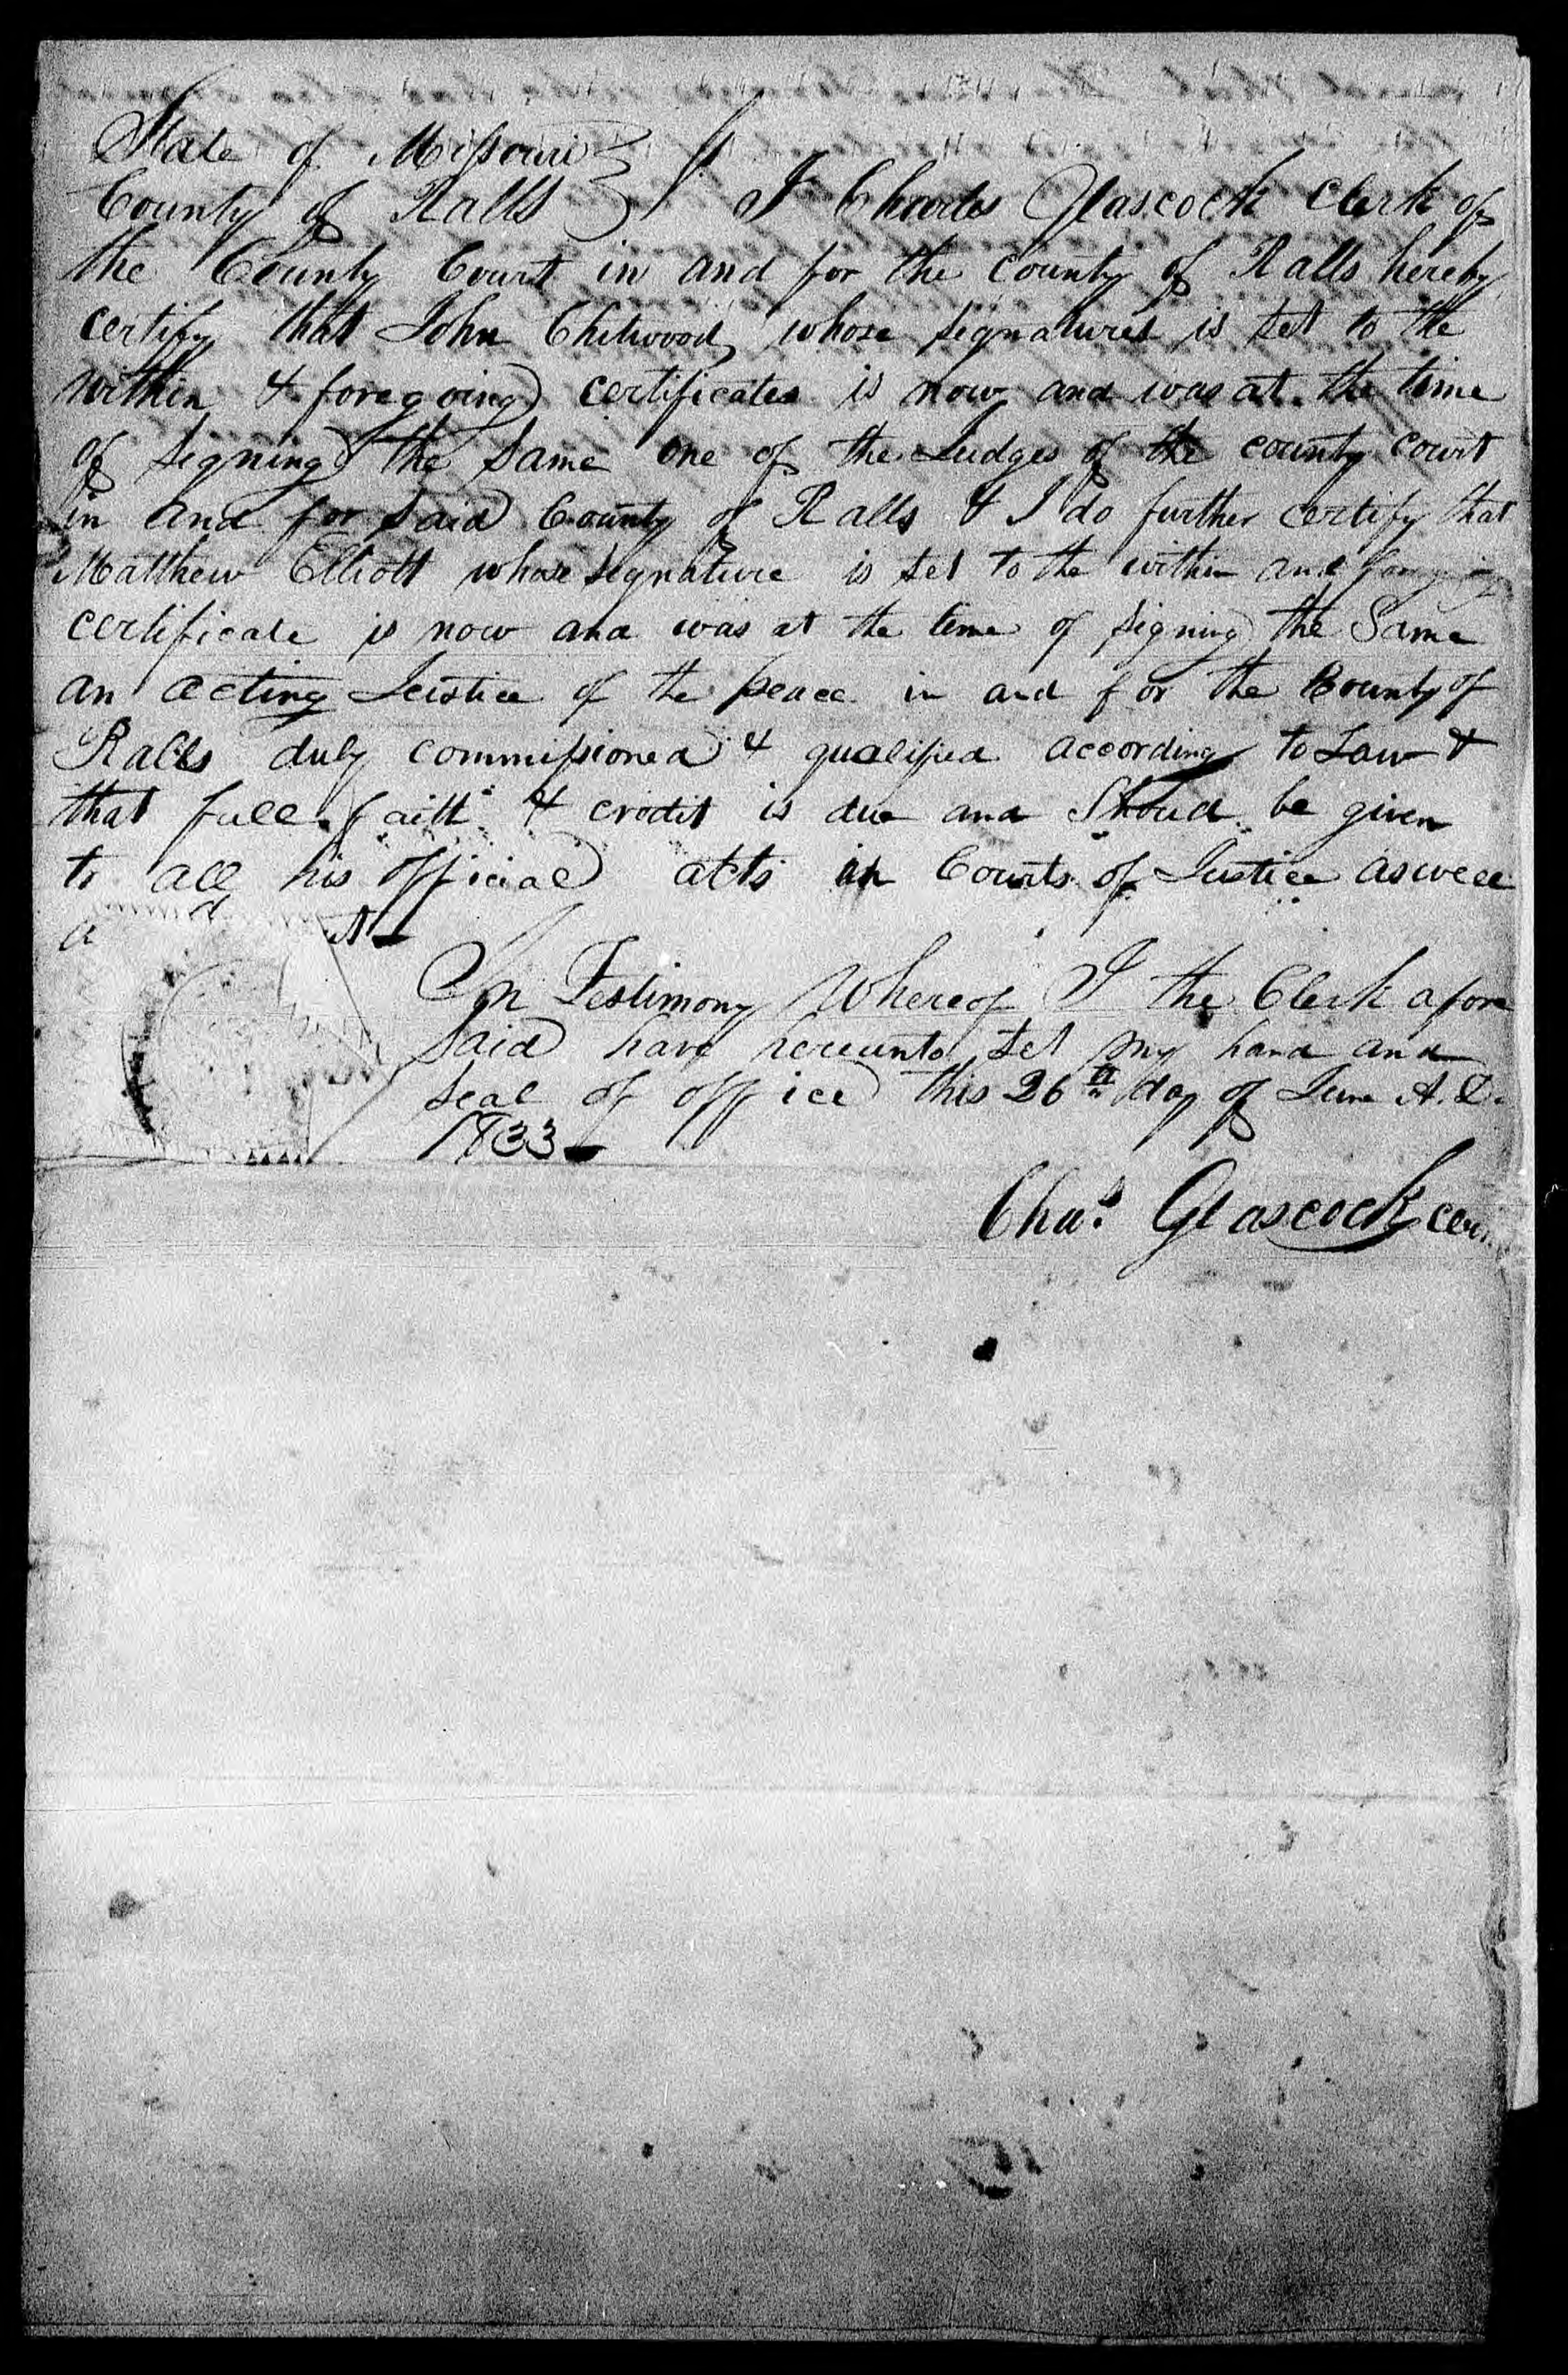State of Missouri
County of Ralls

I Charles Glascock the clerk of the county court in and for the county of Ralls hereby certify that John Chitwood whose signature is set to the within and foregoing certificates is now and was at the time of signing the same one of the Judges of the County court in and for said county of Ralls and I do further certify that Matthew Elliott whose signature is set to the within and foregoing certificate is now and was at the time of signing the same an acting Justice of the Peace in and for the County of Ralls duly commissioned and qualified according to law and that full faith and credit is due and should be given to all his official acts in Courts of justice as well.

SEAL

In testimony whereof I the clerk aforesaid have hereunto set my hand and seal of office this 26th day of June AD 1833.

Chas Glascock - Clerk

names: Charles Glascock, Chas Glascock, John Chitwood, Matthew Elliott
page: 6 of 19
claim: survivor's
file: S. 16836, Ignatus Greenwell, Md.